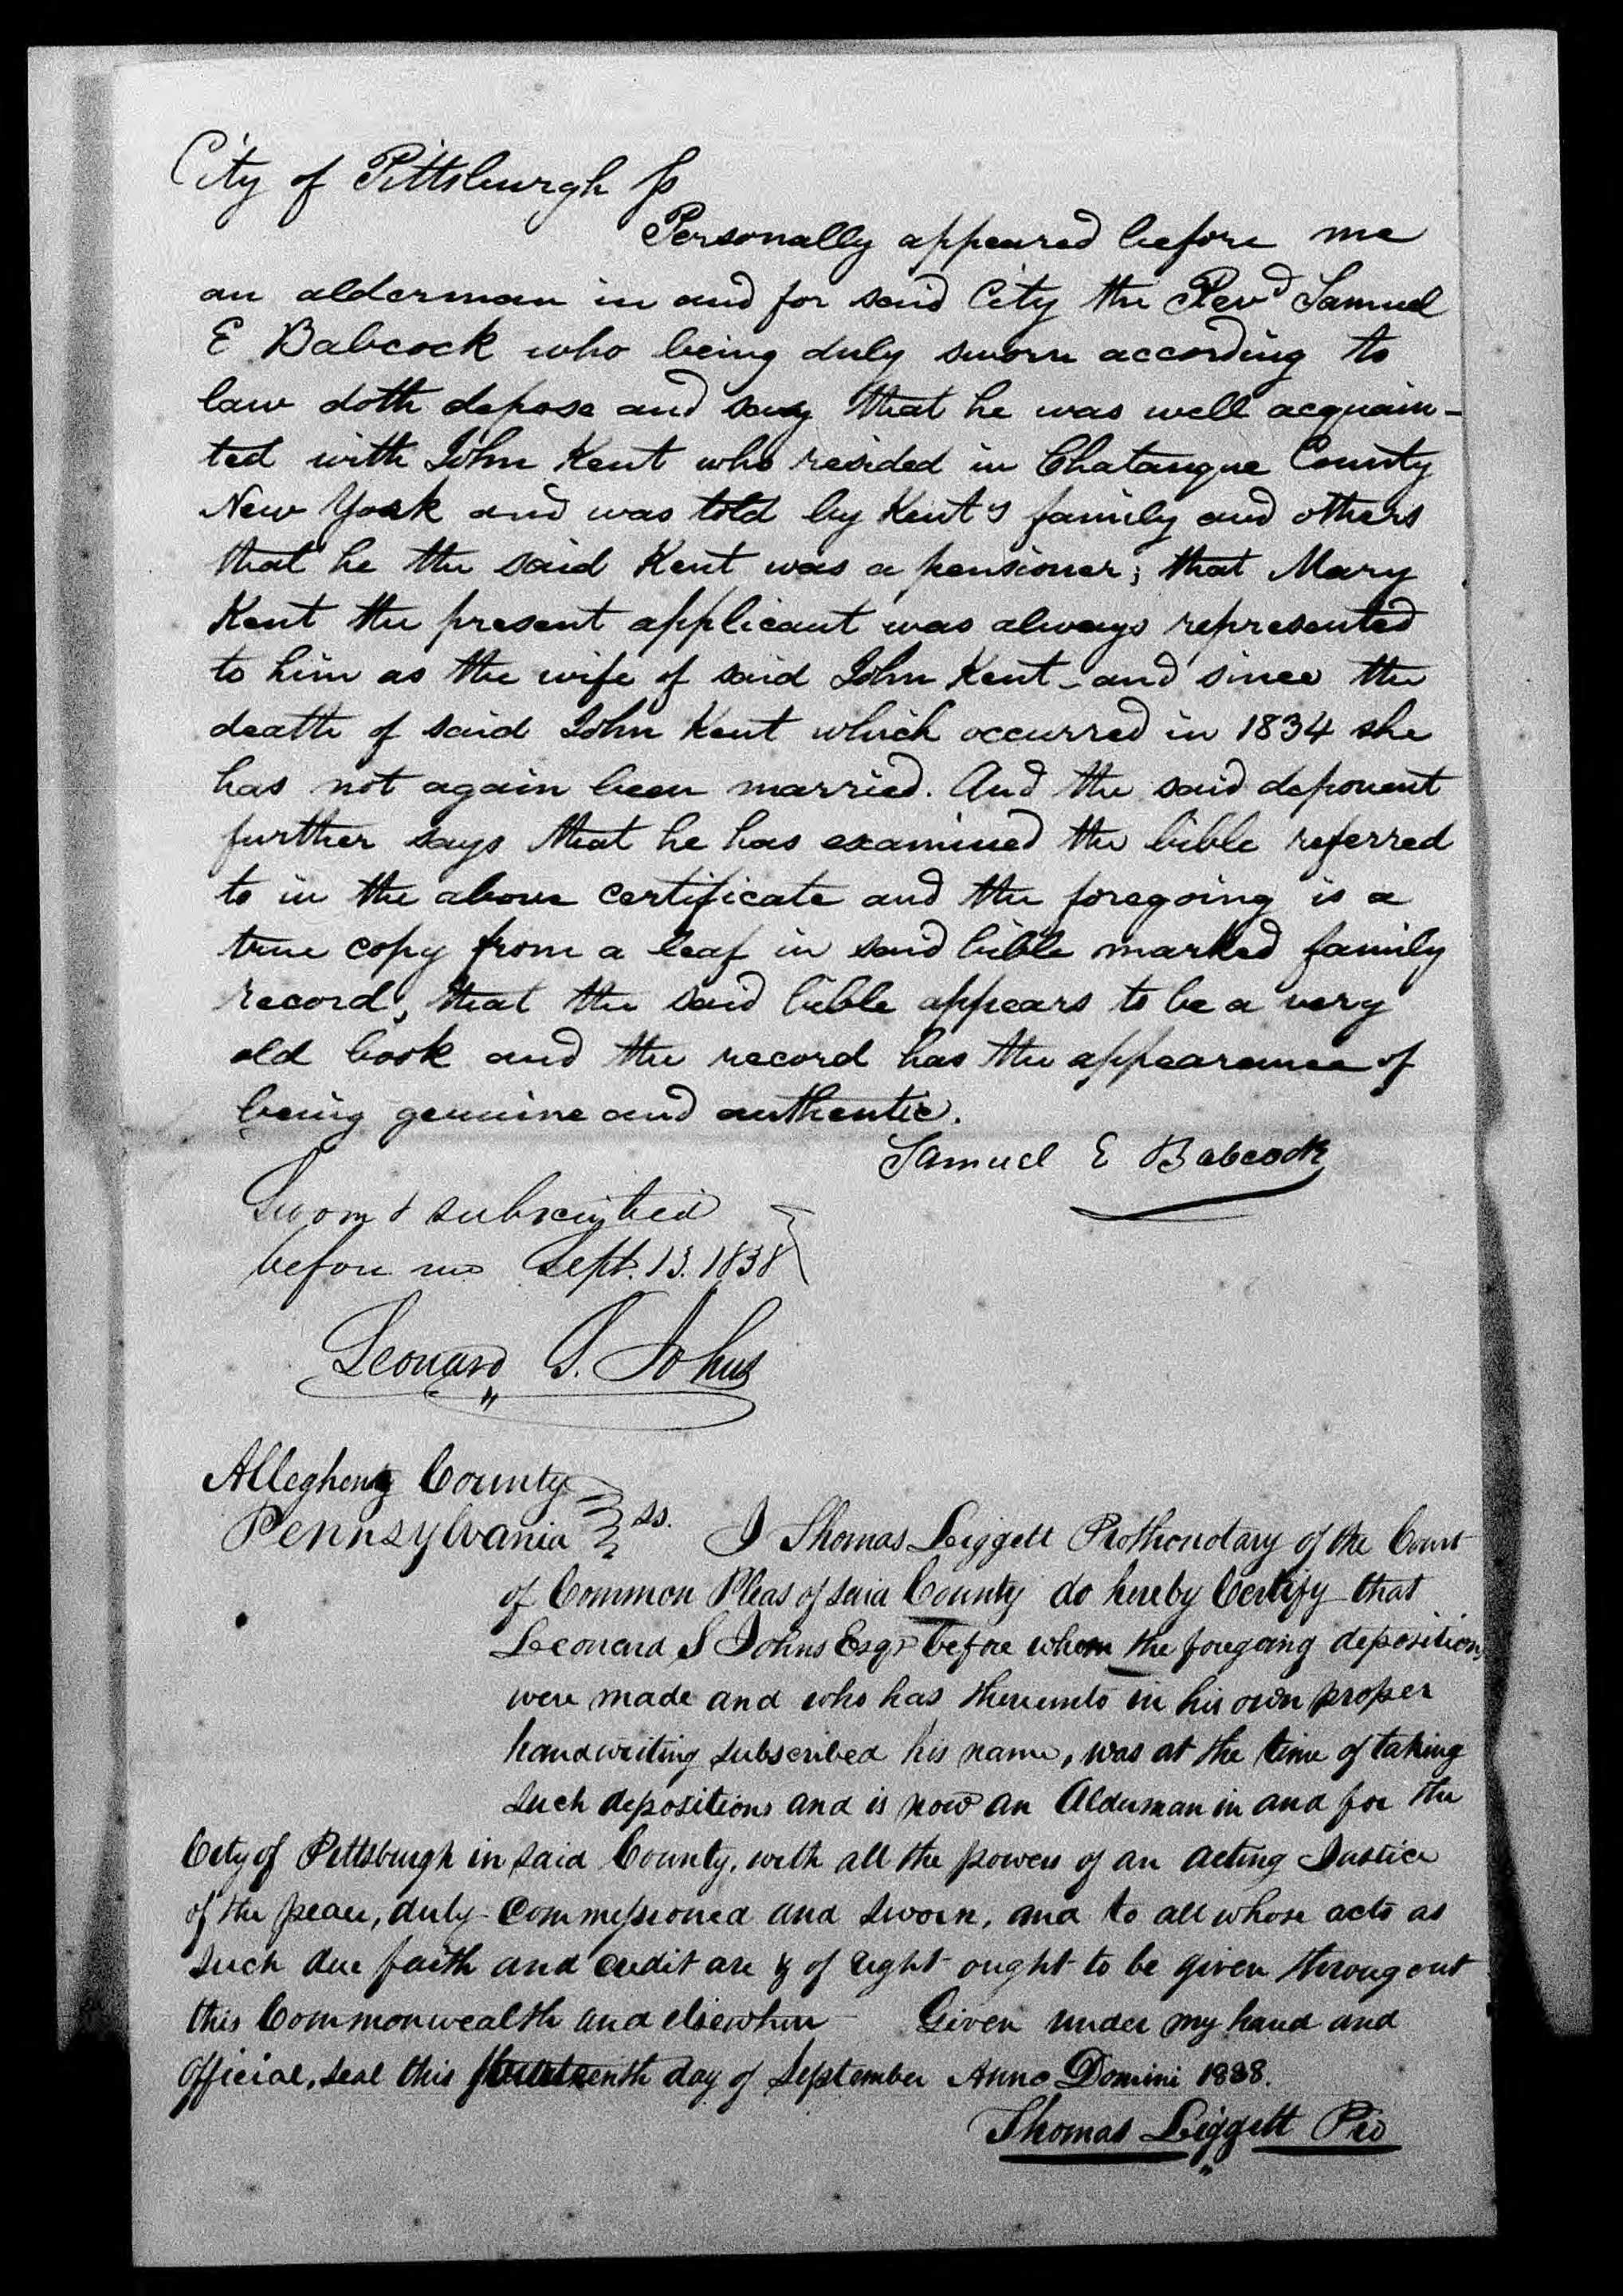City of Pittsburgh fs
Personally appeared before me an alderman in and for said City the Revd Samuel E Babcock who being duly sworn according to law doth depose and say that he was well acquainted with John Kent who resided in Chataugua County New York and was told by Kents family and others that he the said Kent was a pensioner; that Mary Kent the present applicant was always represented to him as the wife of said John Kent - and since the death of said John Kent which occurred in 1834 she has not again been married. And the said deponent further says that he has examined the bible referred to in the above certificate and the foregoing is a true copy from a leaf in said bible marked family record, that the said bible appears to be a very old book and the record has the appearance of being genuine and authentic.
Samuel E Babcock

Sworn + subscribed before me Sept. 13. 1838
Leonard S Johns

Alleghany County}
Pennsylvania} ss. I Thomas Liggett Prothonotary of the Court of Common Pleas of said County do hereby certify that Leonard S. Johns Esq before whom the foregoing depositions were made and who has thereunto in his own proper handwriting subscribed his name, was at the time of taking such deposition and is now an Alderman in and for the City of Pittsburgh in said County, with all the powers of an acting Justice of the peace, duly commifsioned and sworn, and to all whose acts as such due faith and audit are vz of eight - ought to be given throughout this Commonwealth and elsewhere - Given under my hand and Official seal this thirteenth day of September Ammo Donini 1838.
Thomas Liggett Pro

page: 43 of 50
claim: widow's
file: W. 4253, for John Kent, Vermont